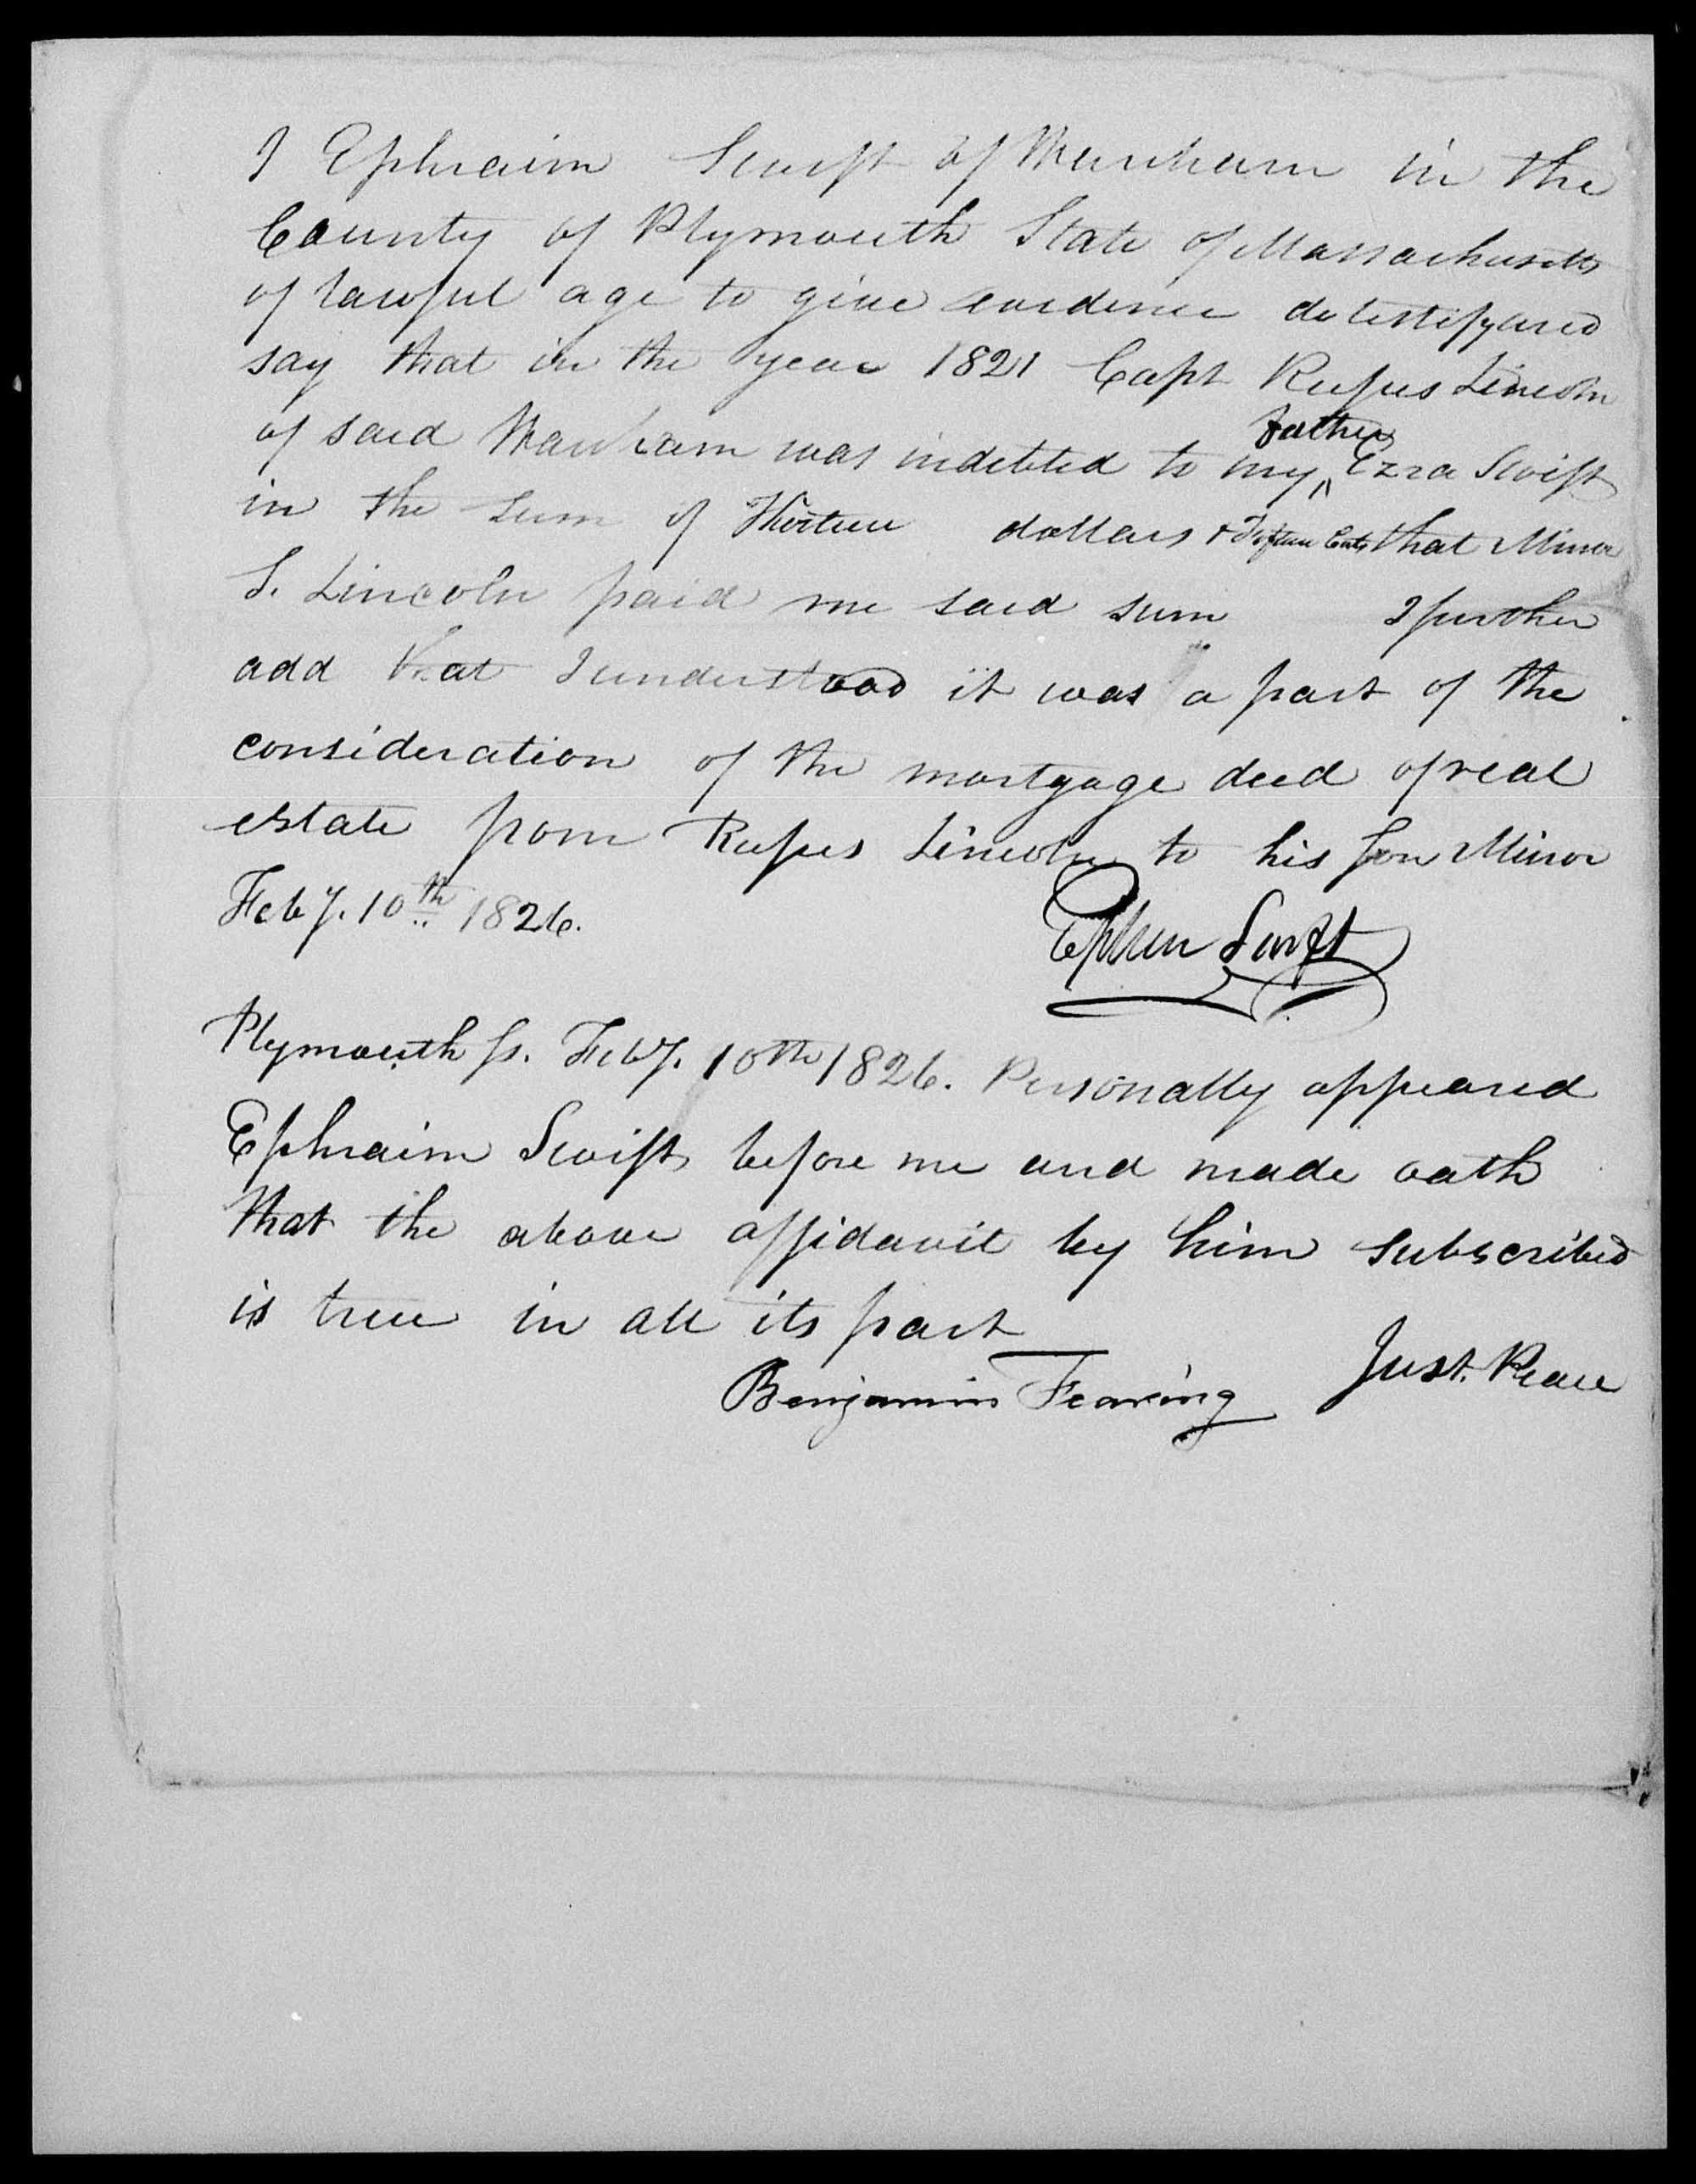I Ephraim Swift of Wareham in the
County of Plymouth State of Massachusetts
of lawful age to give evidence do testify and
say that in the year 1821 Capt Rufus Lincoln of
said Wareham was indebted to my father, Ezra Swift in the sum of Thirteen dollars & Fifteen Cents that Minor S. Lincoln paid me said sum
I further add that I understood it was a part of the consideration of the mortgage deed of real
estate from Rufus Lincoln to his son Minor
Feby 10th 1826    Ephraim Swift
Plymouth Ss. Feby 10th 1826 Personally appeared Ephraim Swift before me and made oath that the above affidavit by him subscribed is true in all its part
Benjamin Fearing     Just. Peace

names: Rufus Lincoln; Minor S Lincoln; Ezra Swift; Ephm Swift; Benjamin Fearing; Ephraim Swift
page: 36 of 82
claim: widow's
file: W. 13,634, for Rufus Lincoln, Massachusetts